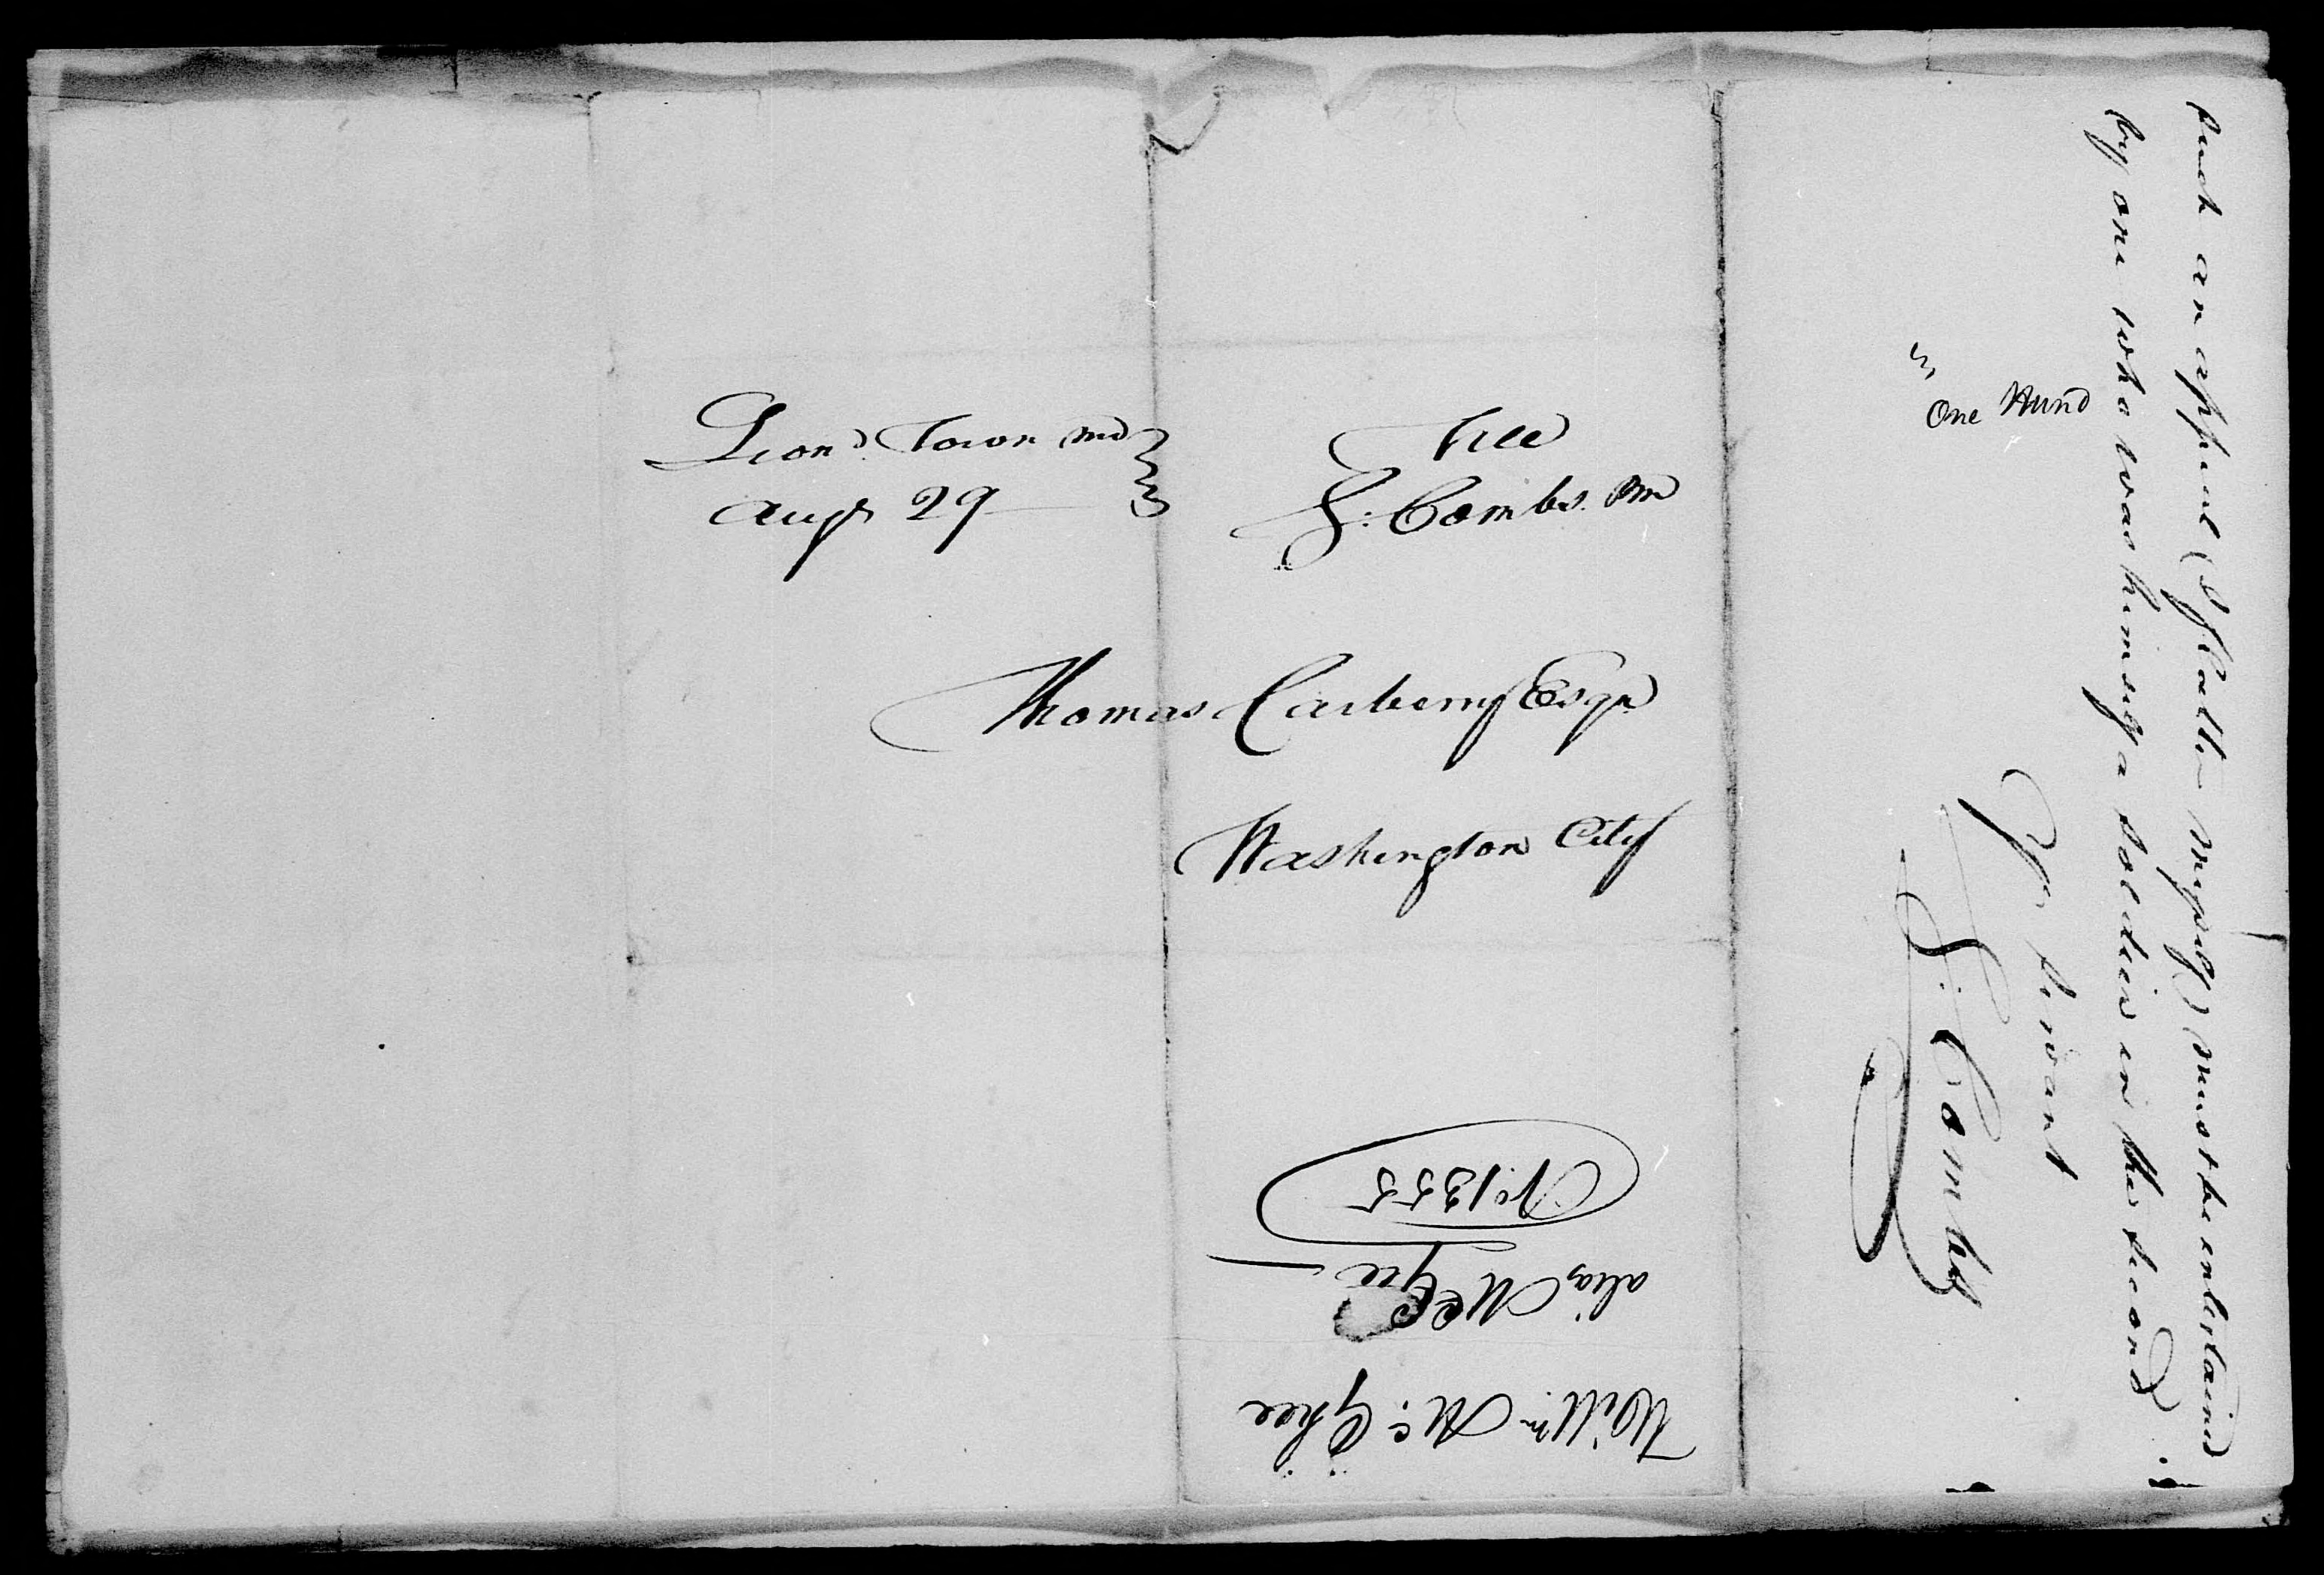Leon’d Town [Leonardtown] Md}
Augt [August] 29}

Free     One Anno

S. Combs, PM

Thomas Carberry Esqr. [Esquire]
Washington City

[written sideways] such an appeal (I flatter myself) must be entertained by one who was himself a soldier in the second
Yr. Servant
S. Combs

[written upside down] Willm [William] McGhee alias, McGee No.1355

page: 14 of 17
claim: survivor's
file: S. 34980, for William Mc Gee, Maryland